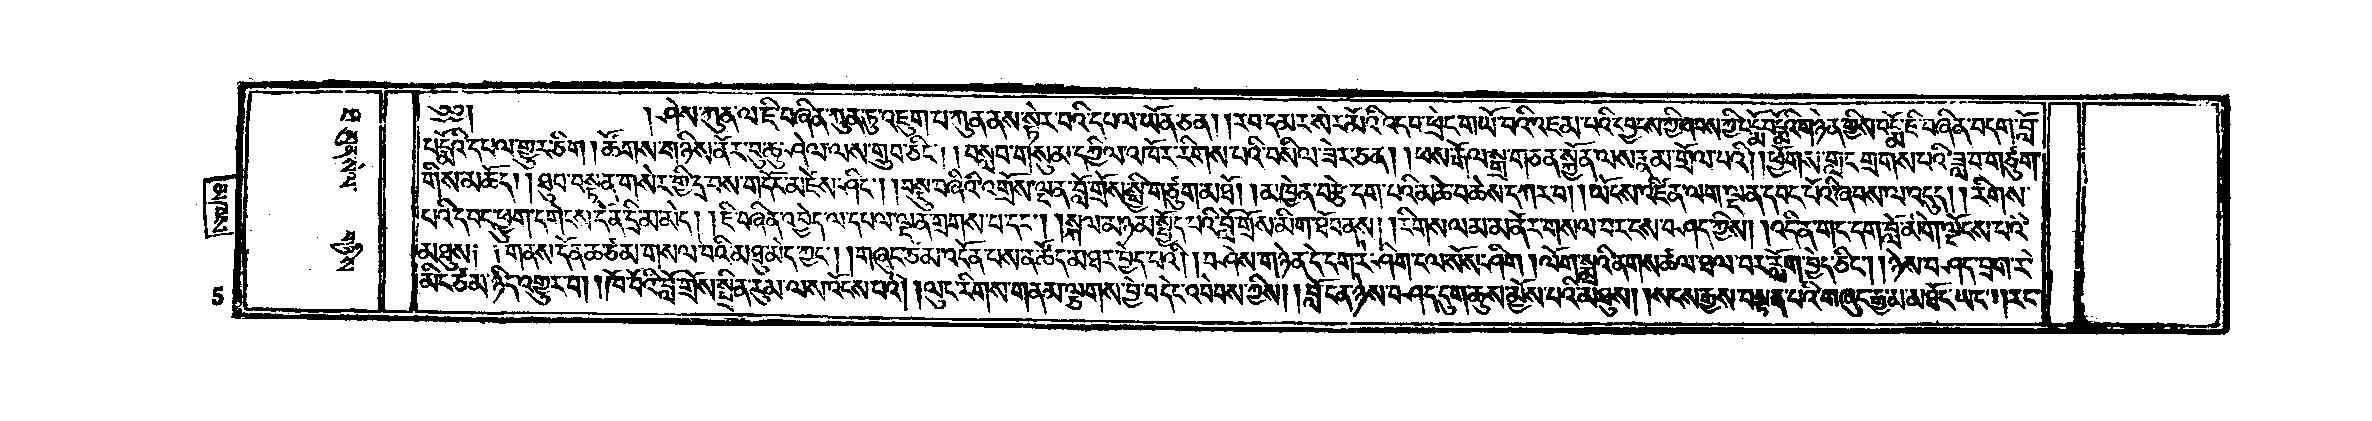༄༅། །ཤེས་ཀུན་ལ་ཇི་བཞིན་ཀུན་ཏུ་འཇུག་པ་ཀུན་ནས་སྟེར་བའི་དཔལ་ཡོན་ཅན། །རབ་དམར་སེར་མོའི་འདབ་ཕྲེང་གཡོ་བའི་འཇམ་པའི་དབྱངས་ཀྱི་ཞབས་ཀྱི་པདམོ་པདམོའི་གཉེན་གྱིས་པདམོ་ཇི་བཞིན་བདག་བློ་
པདམོའི་དཔལ་གྱུར་ཅིག །ཚོགས་གཉིས་ནོར་བུ་ཆུ་ཤེལ་ལས་གྲུབ་ཅིང་། །བསླབ་གསུམ་དཀྱིལ་འཁོར་རིགས་པའི་བསིལ་ཟེར་ཅན། །ཕས་རྒོལ་སྒྲ་གཅན་སྐྱོན་ལས་རྣམ་གྲོལ་བའི། །ཕྱོགས་གླང་གྲགས་པའི་ཟླ་བ་གཙུག་
གིས་མཆོད། །ཐུབ་བསྟན་གསེར་གྱི་དྲ་བས་གདོང་མཛེས་ཤིང་། །བསྡུ་བཞིའི་འགྲོས་ལྡན་བློ་གྲོས་སྤྱི་གཙུག་མཐོ། །མཁྱེན་བརྩེ་དག་པའི་མཆེ་བ་ཆེས་དཀར་བ། །ཡོངས་འཛིན་ལག་ལྡན་དབང་པོའི་ཞབས་ལ་འདུད། །རིགས་
པའི་དབང་ཕྱུག་དགོངས་དོན་དྲི་མ་མེད། །ཇི་བཞིན་འབྱེད་ལ་དཔལ་ལྡན་གྲགས་པ་དང་། །སྐལ་མཉམ་སྤྱོད་པའི་བློ་གྲོས་མིག་ཐོབ་ནས། །རིགས་ལམ་མ་ནོར་གསལ་བར་ངས་བཤད་ཀྱིས། །འདི་ན་གང་དག་བློ་མིག་ལྗོངས་པའི་
མཐུས༑ ༑གནས་དོན་ཆ་ཙམ་གསལ་བའི་མཐུ་མེད་ཀྱང་། །གཞུང་ཙམ་འདོན་པས་ན་ཚོད་མཐར་བྱེད་པའི། །བཤེས་གཉེན་དེ་དག་རེ་ཤིག་ངལ་སོས་ཤིག །ལོག་སྨྲའི་ནགས་ཚལ་ཐལ་བར་རློག་བྱེད་ཅིང་། །ཉེས་བཤད་བྲག་རི་
མིང་ཙམ་ཉིད་འགྱུར་བ། །ཁོ་བོའི་བློ་གྲོས་སྤྲིན་རུམ་ལས་འོངས་པའི། །ལུང་རིགས་གནམ་ལྕགས་བྱེ་བ་དེང་འབེབས་ཀྱིས། །བློ་ངན་ཉེས་བཤད་དུག་ཆུས་མྱོས་པའི་མཐུས། །སངས་རྒྱས་བསྟན་པའི་གཞུང་རྒྱ་མ་མཐོང་ཡང་། །རང་